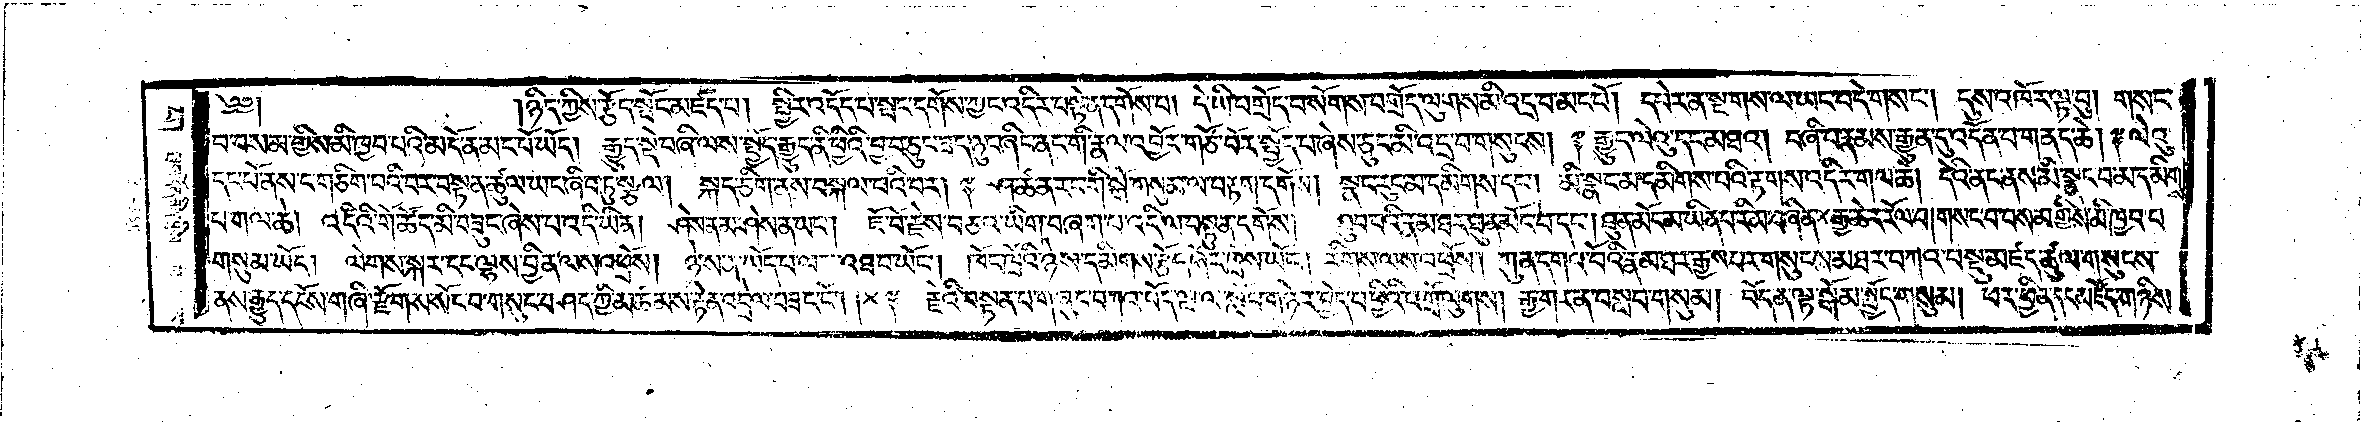༄༅། །ཉིད་ཀྱིས་རྩོད་སྤོང་མཛད་པ། སྤྱིར་འདོད་པ་སྤང་དགོས་ཀྱང་འདིར་བསྟེན་དགོས་པ། དེ་ཡི་བགྲོད་པ་སོགས་བགྲོད་ལུགས་མི་འདྲ་བ་མང་པོ། དཔེར་ན་སྔགས་ལ་ཡང་བདེ་གསང་། དུས་འཁོར་ལྟ་བུ། གསང་
བ་བསམ་གྱིས་མི་ཁྱབ་པའི་མངོན་མང་པོ་ཡོད། རྒྱུད་སྡེ་བཞི་ལས་སྤྱོད་རྒྱུད་ནི་ཕྱིའི་བྱང་ཅུང་ཟད་ཉུང་ཞིང་ནང་གི་རྣལ་འབྱོར་གཙོ་བོར་སྤྱོད་པ་ཞེས་ཅུང་མི་འདྲ་བ་གསུངས། ༈ རྒྱུད་ལེའུ་དང་མཐའ། བཞི་བ་རྣམས་རྒྱུན་དུ་འདོན་པ་གནད་ཆེན། ༈ ལེའུ་
དང་པོ་ནས་ང་གཅིག་པའི་བར་བསྟན་ཚུལ་ཡང་ཞིབ་ཏུ་སྩལ། སྐད་ཅིག་ནས་བསྐལ་པའི་བར། ༈ ཤ་ཚན་རང་གི་སྒོ་གསུམ་ལ་བརྟག་དགོས། སྣང་རུང་མ་དམིགས་དང་། མི་སྣང་མ་དམིགས་པའི་རྟགས་འདིར་གལ་ཆེ། དེའི་ནང་ནས་མི་སྣང་བ་མ་དམིགས་
པ་གལ་ཆེ། འདིའི་གོ་ཚོད་མི་བཟུང་ཞེས་པ་འདི་ཡིན། ཤེས་ནམ་ཤེས་ན་ཡང་། ཇོ་བོ་རྗེས་བཅའ་ཡིག་བཞག་པ་འདི་ལ་བསྟན་དགོས། ཐུབ་པའི་རྣམ་ཐར་ཐུན་མོང་བ་དང་། ཐུན་མོང་མ་ཡིན་པ་རིམ་བཞིན་རྒྱ་ཆེར་རོལ་བ། གསང་བ་བསམ་གྱིས་མི་ཁྱབ་པ་
གསུམ་ཡོད། ལེགས་སྐར་དང་ལྷས་བྱིན་ལས་འཕྲོས། ཉེས་ན་ཡོད་པ་ལ་འཐབ་ཡོང་། ཁོང་ཁྲོའི་ཉེས་དམིགས་རྩོད་ཞོར་ཁྲོས་ཡོང་། རིགས་ལས་འཕྲོས། ཀུན་དགའ་བོའི་རྣམ་ཐར་རྒྱས་པར་གསུངས་མཐར་བཀའ་བསྡུ་མཛད་ཚུལ་གསུངས་
ནས་རྒྱུད་དངོས་གཞི་རྫོགས་སོང་བ་གསུང་བཤད་ཀྱི་མཚམས་རྟེན་འབྲེལ་བཟང་ངོ། །྾་༈ རྗེའི་བསྟན་པ་གཞུང་བཀའ་པོད་ལྔ་ལ་སློབ་གཉེར་བྱེད་པ་ཕྱིའི་འགྲོ་ལུགས། རྒྱ་གར་ན་བསླབ་གསུམ། བོད་ན་ལྟ་སྒོམ་སྤྱོད་གསུམ། ཕར་ཕྱིན་དང་མཛོད་གཉིས་